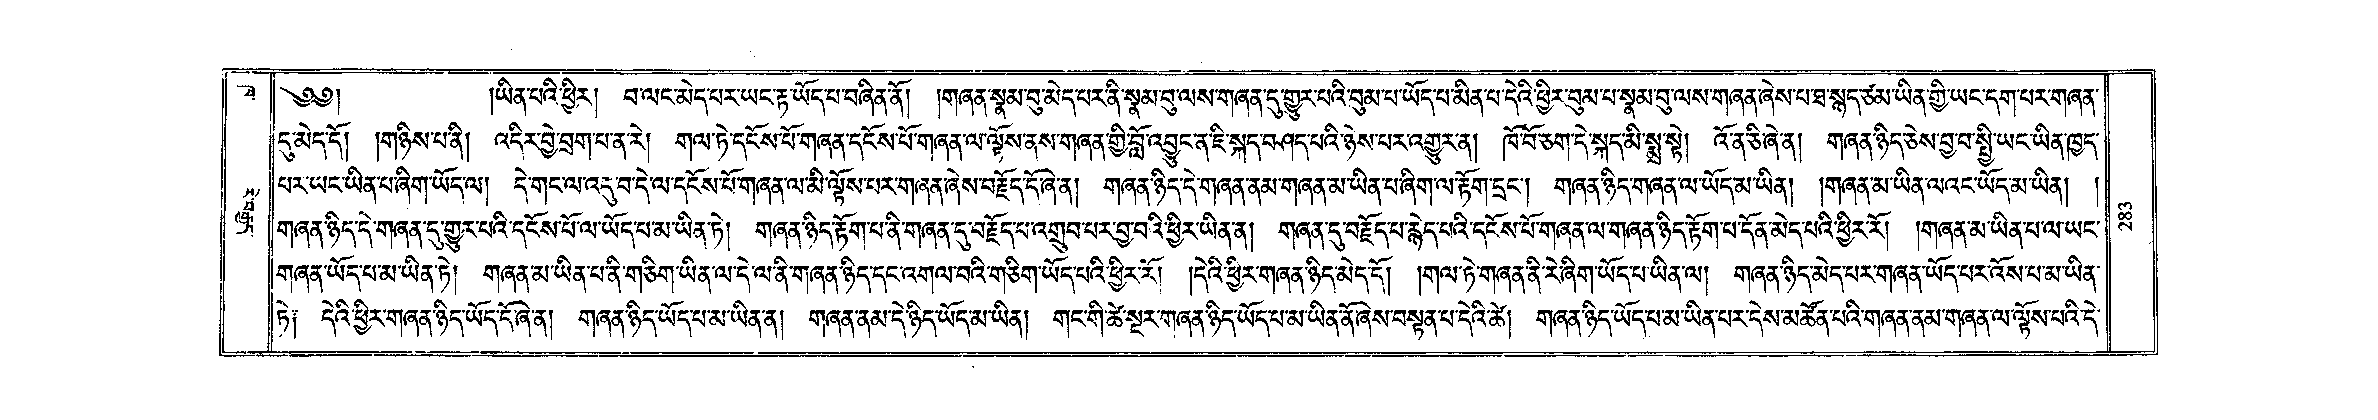༄༅། །ཡིན་པའི་ཕྱིར། བ་ལང་མེད་པར་ཡང་རྟ་ཡོད་པ་བཞིན་ནོ། །གཞན་སྣམ་བུ་མེད་པར་ནི་སྣམ་བུ་ལས་གཞན་དུ་གྱུར་པའི་བུམ་པ་ཡོད་པ་མིན་པ་དེའི་ཕྱིར་བུམ་པ་སྣམ་བུ་ལས་གཞན་ཞེས་པ་ཐ་སྙད་ཙམ་ཡིན་གྱི་ཡང་དག་པར་གཞན་
དུ་མེད་དོ། །གཉིས་པ་ནི། འདིར་བྱེ་བྲག་པ་ན་རེ། གལ་ཏེ་དངོས་པོ་གཞན་དངོས་པོ་གཞན་ལ་ལྟོས་ནས་གཞན་གྱི་བློ་འབྱུང་ན་ཇི་སྐད་བཤད་པའི་ཉེས་པར་འགྱུར་ན། ཁོ་བོ་ཅག་དེ་སྐད་མི་སྨྲ་སྟེ། འོ་ན་ཅི་ཞེ་ན། གཞན་ཉིད་ཅེས་བྱ་བ་སྤྱི་ཡང་ཡིན་ཁྱད་
པར་ཡང་ཡིན་པ་ཞིག་ཡོད་ལ། དེ་གང་ལ་འདུ་བ་དེ་ལ་དངོས་པོ་གཞན་ལ་མི་ལྟོས་པར་གཞན་ཞེས་བརྗོད་དོ་ཞེ་ན། གཞན་ཉིད་དེ་གཞན་ནམ་གཞན་མ་ཡིན་པ་ཞིག་ལ་རྟོག་དྲང་། གཞན་ཉིད་གཞན་ལ་ཡོད་མ་ཡིན། །གཞན་མ་ཡིན་ལའང་ཡོད་མ་ཡིན། །
གཞན་ཉིད་དེ་གཞན་དུ་གྱུར་པའི་དངོས་པོ་ལ་ཡོད་པ་མ་ཡིན་ཏེ། གཞན་ཉིད་རྟོག་པ་ནི་གཞན་དུ་བརྗོད་པ་འགྲུབ་པར་བྱ་བའི་ཕྱིར་ཡིན་ན། གཞན་དུ་བརྗོད་པ་རྙེད་པའི་དངོས་པོ་གཞན་ལ་གཞན་ཉིད་རྟོག་པ་དོན་མེད་པའི་ཕྱིར་རོ། །གཞན་མ་ཡིན་པ་ལ་ཡང་
གཞན་ཡོད་པ་མ་ཡིན་ཏེ། གཞན་མ་ཡིན་པ་ནི་གཅིག་ཡིན་ལ་དེ་ལ་ནི་གཞན་ཉིད་དང་འགལ་བའི་གཅིག་ཡོད་པའི་ཕྱིར་རོ། །དེའི་ཕྱིར་གཞན་ཉིད་མེད་དོ། །གལ་ཏེ་གཞན་ནི་རེ་ཞིག་ཡོད་པ་ཡིན་ལ། གཞན་ཉིད་མེད་པར་གཞན་ཡོད་པར་འོས་པ་མ་ཡིན་
ཏེ༑ དེའི་ཕྱིར་གཞན་ཉིད་ཡོད་དོ་ཞེ་ན། གཞན་ཉིད་ཡོད་པ་མ་ཡིན་ན། གཞན་ནམ་དེ་ཉིད་ཡོད་མ་ཡིན། གང་གི་ཚེ་སྔར་གཞན་ཉིད་ཡོད་པ་མ་ཡིན་ནོ་ཞེས་བསྟན་པ་དེའི་ཚེ། གཞན་ཉིད་ཡོད་པ་མ་ཡིན་པར་དེས་མཚོན་པའི་གཞན་ནམ་གཞན་ལ་ལྟོས་པའི་དེ་